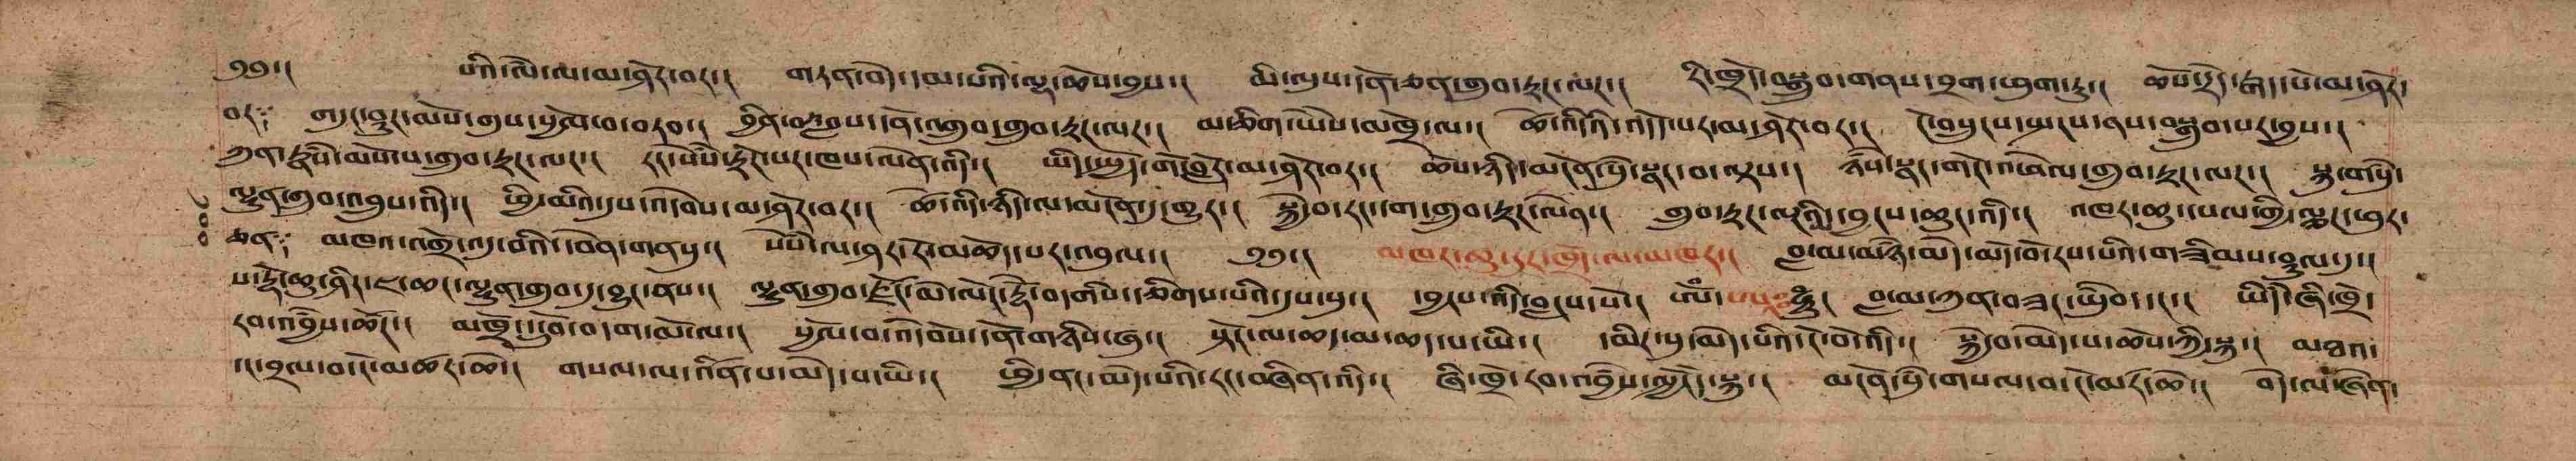༄༅་། པའི་ལམ་ལ་མ་ཤོར་བར། གཏན་བདེ་དམ་པའི་ལྷ་ཆོས་བྱས། མི་ལུས་དོན་ཅན་གྲུབ་རྟགས་ལགས། རི་ཁྲོད་བསྒྲུབ་གནས་བྲག་ཕུག་ཏུ། ཆོས་དྲེད་རྒད་པོ་མ་ཤོར་
བར༑ གདུང་ཤུགས་མོས་གུས་གསོལ་བ་བཏབ། བྱིན་བརླབས་དོན་འགྲུབ་གྲུབ་རྟགས་ལགས། མ་ཅིག་ཡེ་ཤེས་མཁའ་འགྲོ་ལ། ཚེ་འདིའི་འདོད་པར་མ་ཤོར་བར། ངོ་བསྲུངས་སྤངས་ནས་བསྒྲུབ་པར་བྱས། 
ཀུན་རྣམས་མོས་པ་གྲུབ་རྟགས་ལགས། རང་སེམས་རྟོགས་པར་ཁས་ལེན་འདི། ཡིད་སྤྱོད་གོ་བློར་མ་ཤོར་བར། ཆོས་ཉིད་མངོན་སུཾ་སྣང་བ་ལྟས། ཉམས་སྣང་གོང་འཕེལ་གྲུབ་རྟགས་ལགས། སྐུ་གསུམ་
ལྷུན་གྲུབ་འབྲས་བུ་འདི། ཕྱི་མའི་དུས་འདེབས་མ་ཤོར་བར། ཚེ་འདི་ཉིད་ལ་མངོན་དུ་གྱུར། སྐྱེ་བ་རང་དག་གྲུབ་རྟགས་ལེན། གྲུབ་རྟགས་ལྔ་ཡིས་དབྱངས་ཆུང་འདི། འཁར་ཆུ་དཔལ་གྱི་ལྕགས་ཕུར་
ཅན༑ མཁའ་འགྲོ་འདུ་བའི་དབེན་གནས་སུ། སེམས་ལ་ཤར་རོ་མཆོད་པར་འབུལ།༄༅་། མཁར་ཆུ་དུས་ཁྲོད་ལ་མཁར། བླ་མ་མཉམ་མེད་མདོ་བོ་རས་པའི་གཟིམས་ཤུལ་དུ། 
ས་རྡོ་ཆུ་ཤིང་ཇ་ཆང་ལྷུན་གྲུབ་དུ་བྱུང་ནས། ལྷུན་གྲུབ་རྫོང་མེ་ལོང་རྡོ་རྗེ་བདག་གིས་རྩིགས་པའི་དུས་སུ། དབྱངས་འདི་བླངས་སོ། ཨོཾ་ཨཱཿ ཧཱུཾ། བླ་མ་ཀུན་བཟང་ཡབ་ཡུམ་དང་། ཡི་དམ་ཞི་ཁྲོ་
རབ་འབྱམས་ཚོགས། མཁའ་འགྲོ་དངོས་གྲུབ་བདག་མོ་ལ། གསོལ་བ་འདེབས་སོ་དོན་གཉིས་ཞུ། སྟོང་ལ་ཆད་མ་ཆད་པ་ཡི། དམིགས་སུ་མེད་པའི་ངོ་བོ་འདི། སྐྱེ་བ་མེད་པ་ཆོས་ཀྱི་སྐུ། མཐའ་
དང་བྲལ་བ་ངོ་མཚར་ཆེ། གསལ་ལ་འཛིན་པ་མེད་པ་ཡི། ཕྱི་ནང་མེད་པའི་རང་བཞིན་འདི། ཞི་ཁྲོ་རབ་འབྱམས་ལོངས་སྤྱོད་སྐུ། མངོན་གསུམ་གསལ་བ་ངོ་མཚར་ཆེ། བདེ་ལ་ཞེན་